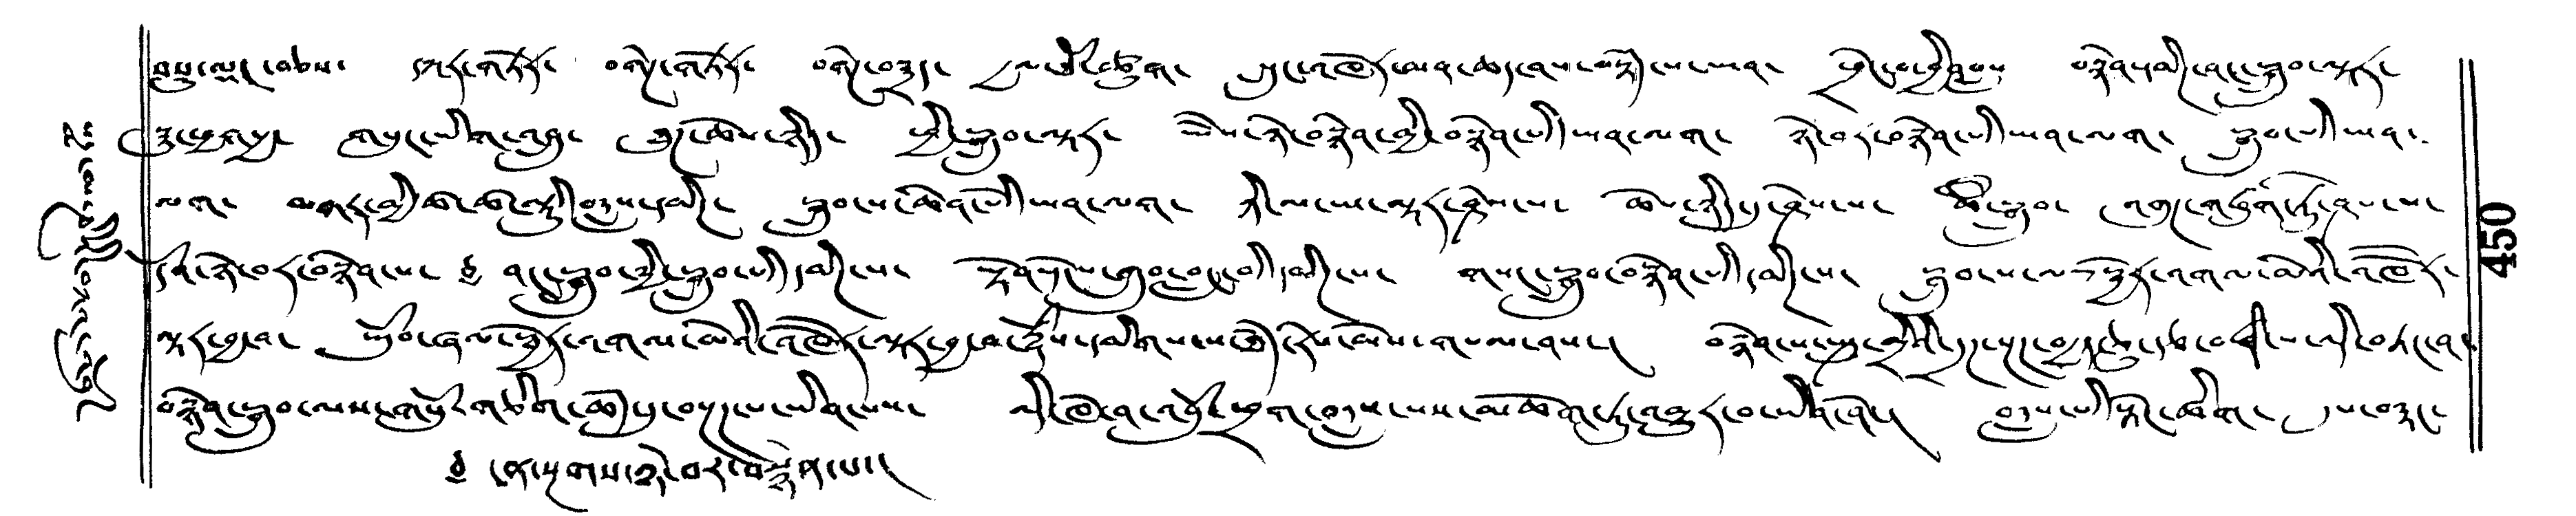བསྡུ་ལྡང་བཅས། དཀར་གཏོར། བགེགས་གཏོར། བགེགས་བསྐྲད། རྒྱལ་ཐོ་འཛུག སྲུང་འཁོར་མན་ཆད་ནས་བསྟོད་པ་ཡན། ཕྲེང་བ་བྱིན་རླབས། བསྙེན་དམིགས་ནང་སྒྲུབ་ལྟར། 
སྐུ་ཕྱག་རྒྱ། གསུང་ཡིག་འབྲུ། ཐུགས་ཆོས་ཉིད། ཕྱི་སྒྲུབ་ལྟར་ཡེ་ཤེས་ཉེ་བསྙེན་གྱི་བསྙེན་པའི་ཡན་ལག ཉེ་བར་བསྙེན་པའི་ཡན་ལག སྒྲུབ་པའི་ཡན་
ལག མགར་གྱི་ཚྭ་ཚྭ་ལྟ་བུའི་བཟླས་དམིགས། སྒྲུབ་པ་ཆེན་པོའི་ཡན་ལག ཀི་ལ་ཡ་ལྟར་ཤེས་པ། ཆོས་ཉིད་དུ་ཤེས་པ། ཚེ་སྒྲུབ། འགུགས་གཞུག་ཏུ་ཤེས་པ། 
དམ་ཅན་ཉེ་བར་བསྙེན་པ། ངན་སྔགས་ཉེ་བར་བསྙེན་པ། ནང་སྒྲུབ་ཀྱི་སྒྲུབ་པའི་དམིགས་པ། ཡོན་ཏན་དངོས་གྲུབ་བླང་བའི་དམིགས་པ། གསང་སྒྲུབ་བསྙེན་པའི་དམིགས་པ། སྒྲུབ་པ་ལས་སྦྱོར་འགལ་མེའི་འཁོར་ལོ་
ལྟར་བྱ་བ། ཡབ་ཡུམ་ཞལ་སྦྱོར་འགལ་མེའི་འཁོར་ལོ་ལྟར་བྱ་བ་རྣམས་དམིགས་པ་ཐམས་ཅད་རེས་མོས་བསམ་ནས། བསྙེན་པ་སྤུ་གྲིའི་དྲག་སྔགས་བརྒྱད་ཅུ་རྩ་བཞི་པ་འདི་བཏང་ན་
བསྙེན་སྒྲུབ་ལས་གསུམ་གཅིག་ཆོད་དུ་བསྔགས་པ་ཡིན་པས། འདི་ཁོ་ན་འབུམ་ཕྲག་བཟླས་པས་མཆོག་ཏུ་གྱུར་བ་ཡིན་ནོ། བཟླས་པའི་སྟོང་ཚིག དུས་བཟང་